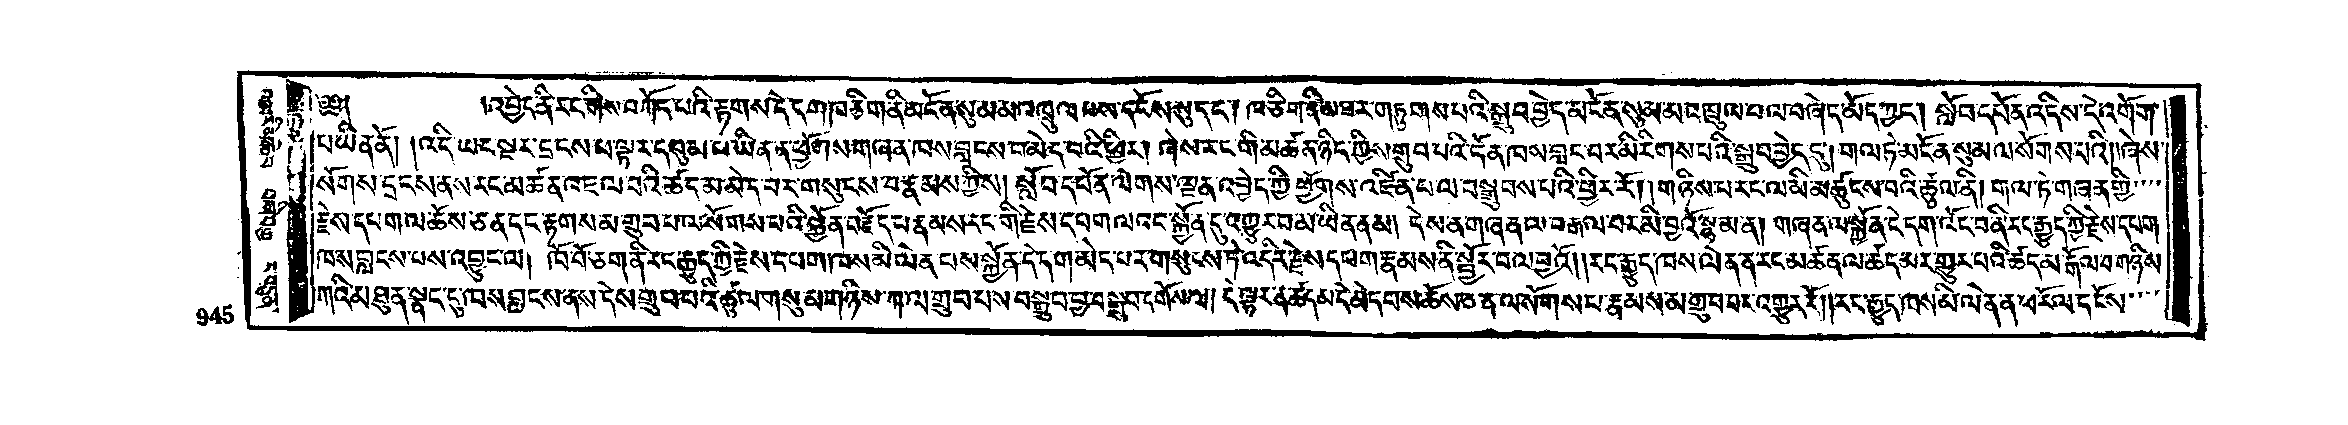༄༅། །འབྱེད་ནི་རང་གིས་བཀོད་པའི་རྟགས་དེ་དག་ཁ་ཅིག་ནི་མངོན་སུམ་མ་འཁྲུལ་བས་དངོས་སུ་དང་། ཁ་ཅིག་ནི་མཐར་གཏུགས་པའི་སྒྲུབ་བྱེད་མངོན་སུམ་མ་འཁྲུལ་བ་ལ་བཞེད་མོད་ཀྱང་། སློབ་དཔོན་འདིས་དེ་འགོག་
པ་ཡིན་ནོ། །འདི་ཡང་སྔར་དྲངས་པ་ལྟར་དབུ་མ་པ་ཡིན་ན་ཕྱོགས་གཞན་ཁས་བླངས་པ་མེད་པའི་ཕྱིར། ཞེས་རང་གི་མཚན་ཉིད་ཀྱིས་གྲུབ་པའི་དོན་ཁས་བླང་བར་མི་རིགས་པའི་སྒྲུབ་བྱེད་དུ། གལ་ཏེ་མངོན་སུམ་ལ་སོགས་པའི། །ཞེས་
སོགས་དྲངས་ནས་རང་མཚན་འཇལ་བའི་ཚད་མ་མེད་པར་གསུངས་པ་རྣམས་ཀྱིས། སློབ་དཔོན་ལེགས་ལྡན་འབྱེད་ཀྱི་ཕྱོགས་འཛིན་པ་ལ་བསྒྲུབས་པའི་ཕྱིར་རོ། །གཉིས་པ་རང་ལ་མི་མཚུངས་པའི་ཚུལ་ནི། གལ་ཏེ་གཞན་གྱི་
རྗེས་དཔག་ལ་ཆོས་ཅན་དང་རྟགས་མ་གྲུབ་པ་ལ་སོགས་པའི་སྐྱོན་བརྗོད་པ་རྣམས་རང་གི་རྗེས་དཔག་ལའང་སྐྱོན་དུ་འགྱུར་བ་མ་ཡིན་ནམ། དེས་ན་གཞན་ལ་བརྒལ་བར་མི་བྱའོ་སྙམ་ན། གཞན་ལ་སྐྱོན་དེ་དག་འོང་བ་ནི་རང་རྒྱུད་ཀྱི་རྗེས་དཔག་
ཁས་བླངས་པས་འབྱུང་ལ། ཁོ་བོ་ཅག་ནི་རང་རྒྱུད་ཀྱི་རྗེས་དཔག་ཁས་མི་ལེན་པས་སྐྱོན་དེ་དག་མེད་པར་གསུངས་ཏེ་འདིར་རྗེས་དཔག་རྣམས་ནི་སྦྱོར་བ་ལ་བྱའོ། །རང་རྒྱུད་ཁས་ལེན་ན་རང་མཚན་ལ་ཚད་མར་གྱུར་པའི་ཚད་མ་རྒོལ་བ་གཉིས་
ཀའི་མཐུན་སྣང་དུ་ཁས་བླངས་ནས་དེས་གྲུབ་པའི་ཚུལ་གསུམ་གཉིས་ཀ་ལ་གྲུབ་པས་བསྒྲུབ་བྱ་བསྒྲུབ་དགོས་ལ། དེ་ལྟར་ན་ཚད་མ་དེ་མེད་པས་ཆོས་ཅན་ལ་སོགས་པ་རྣམས་མ་གྲུབ་པར་འགྱུར་རོ། །རང་རྒྱུད་ཁས་མི་ལེན་ན་ཕ་རོལ་དངོས་